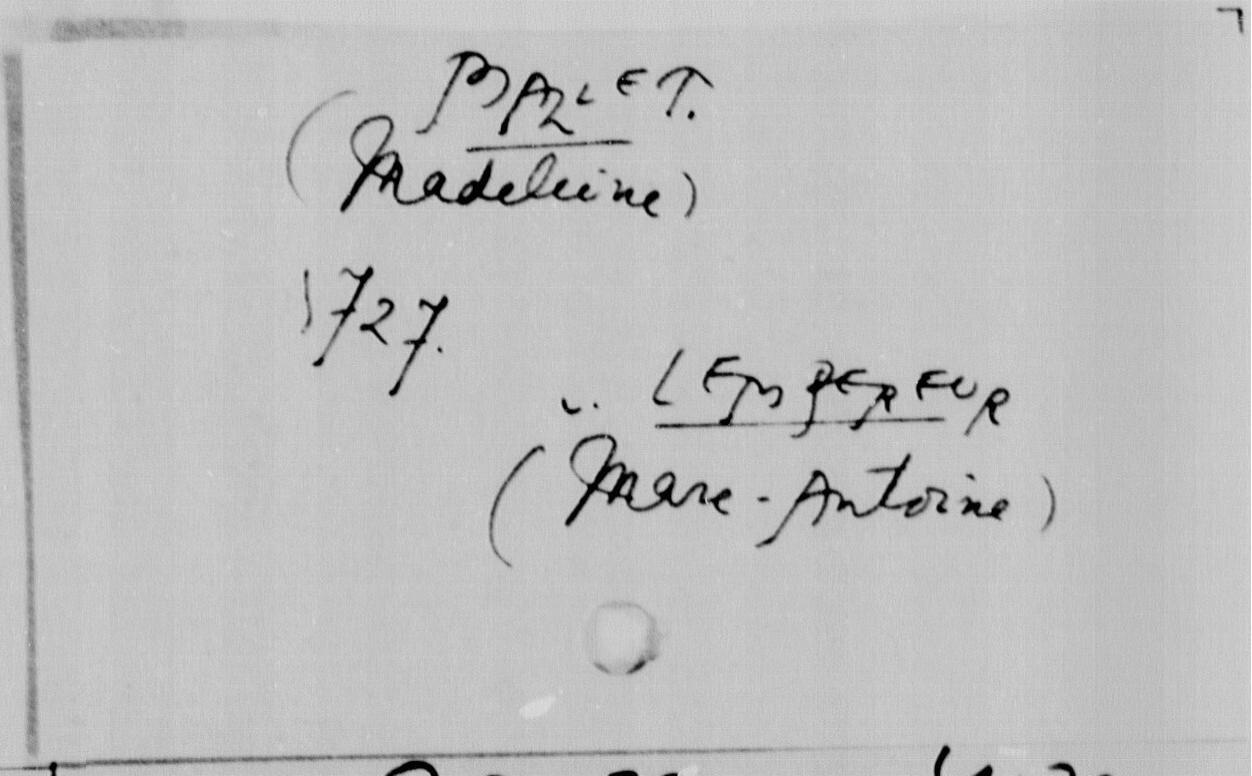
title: BALLET (Madeleine)
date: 1727
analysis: Voir LEMPEREUR (Marc-Antoine)
